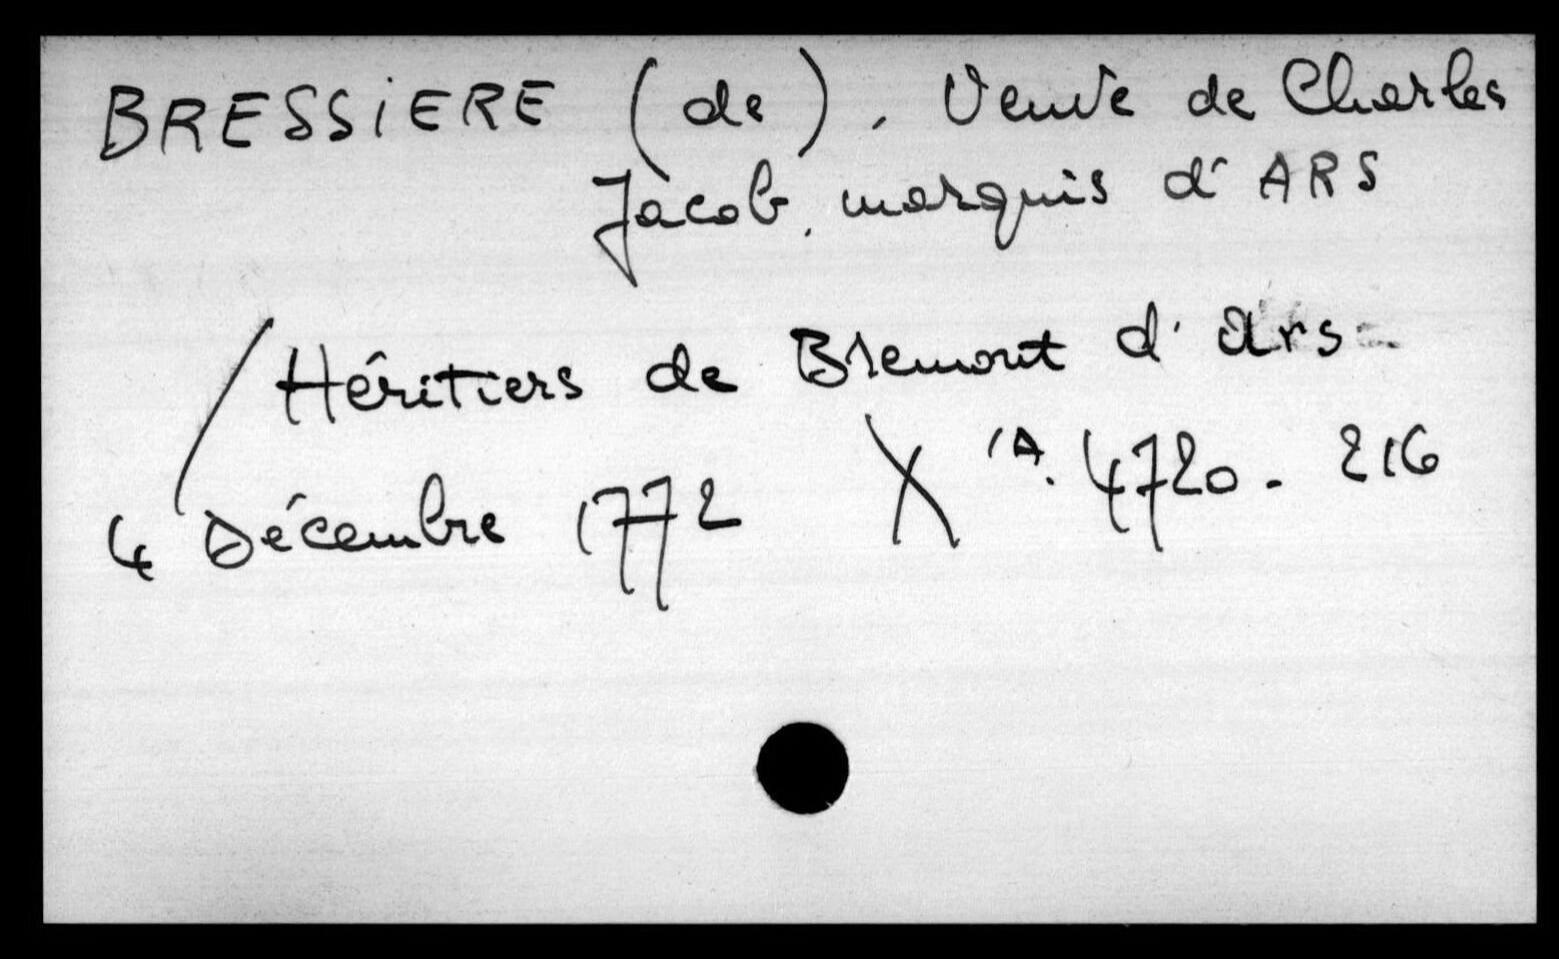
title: BRESSIERE (de), Veuve de Charles Jacob, marquis d'ARS
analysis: Contre Héritiers de Bremont d'Ars
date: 4 décembre 1772
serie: X1A
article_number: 4720
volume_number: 216
